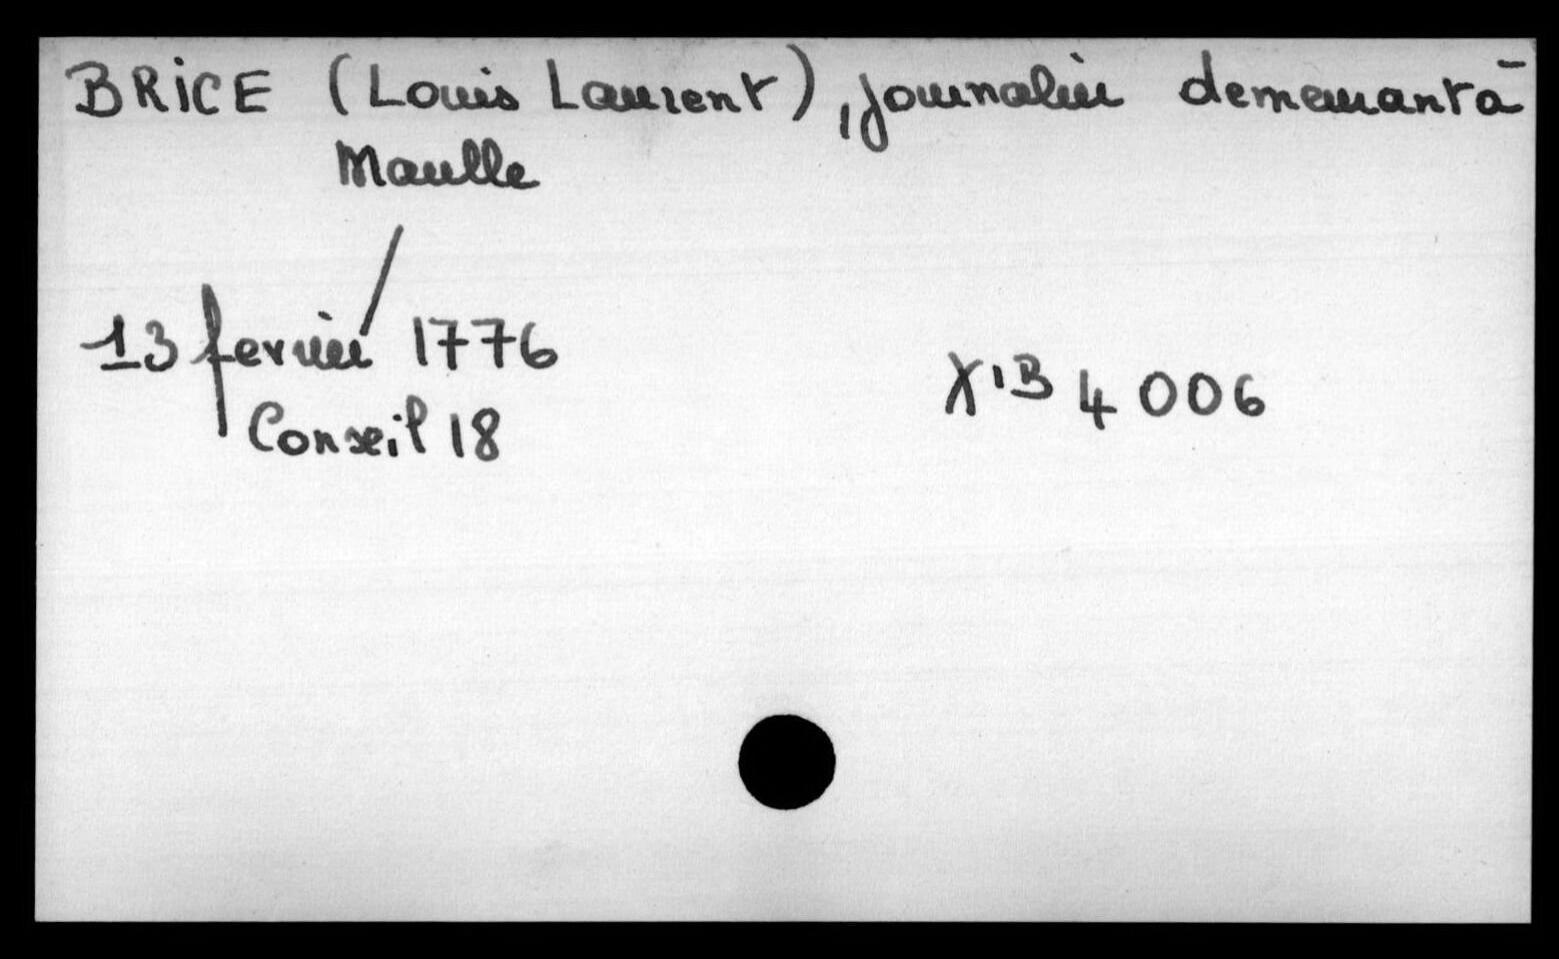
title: BRICE (Louis Laurent), journalier dememrant à Maulle
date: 13 février 1776
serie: X1B
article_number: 4006
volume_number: Conseil, 18
